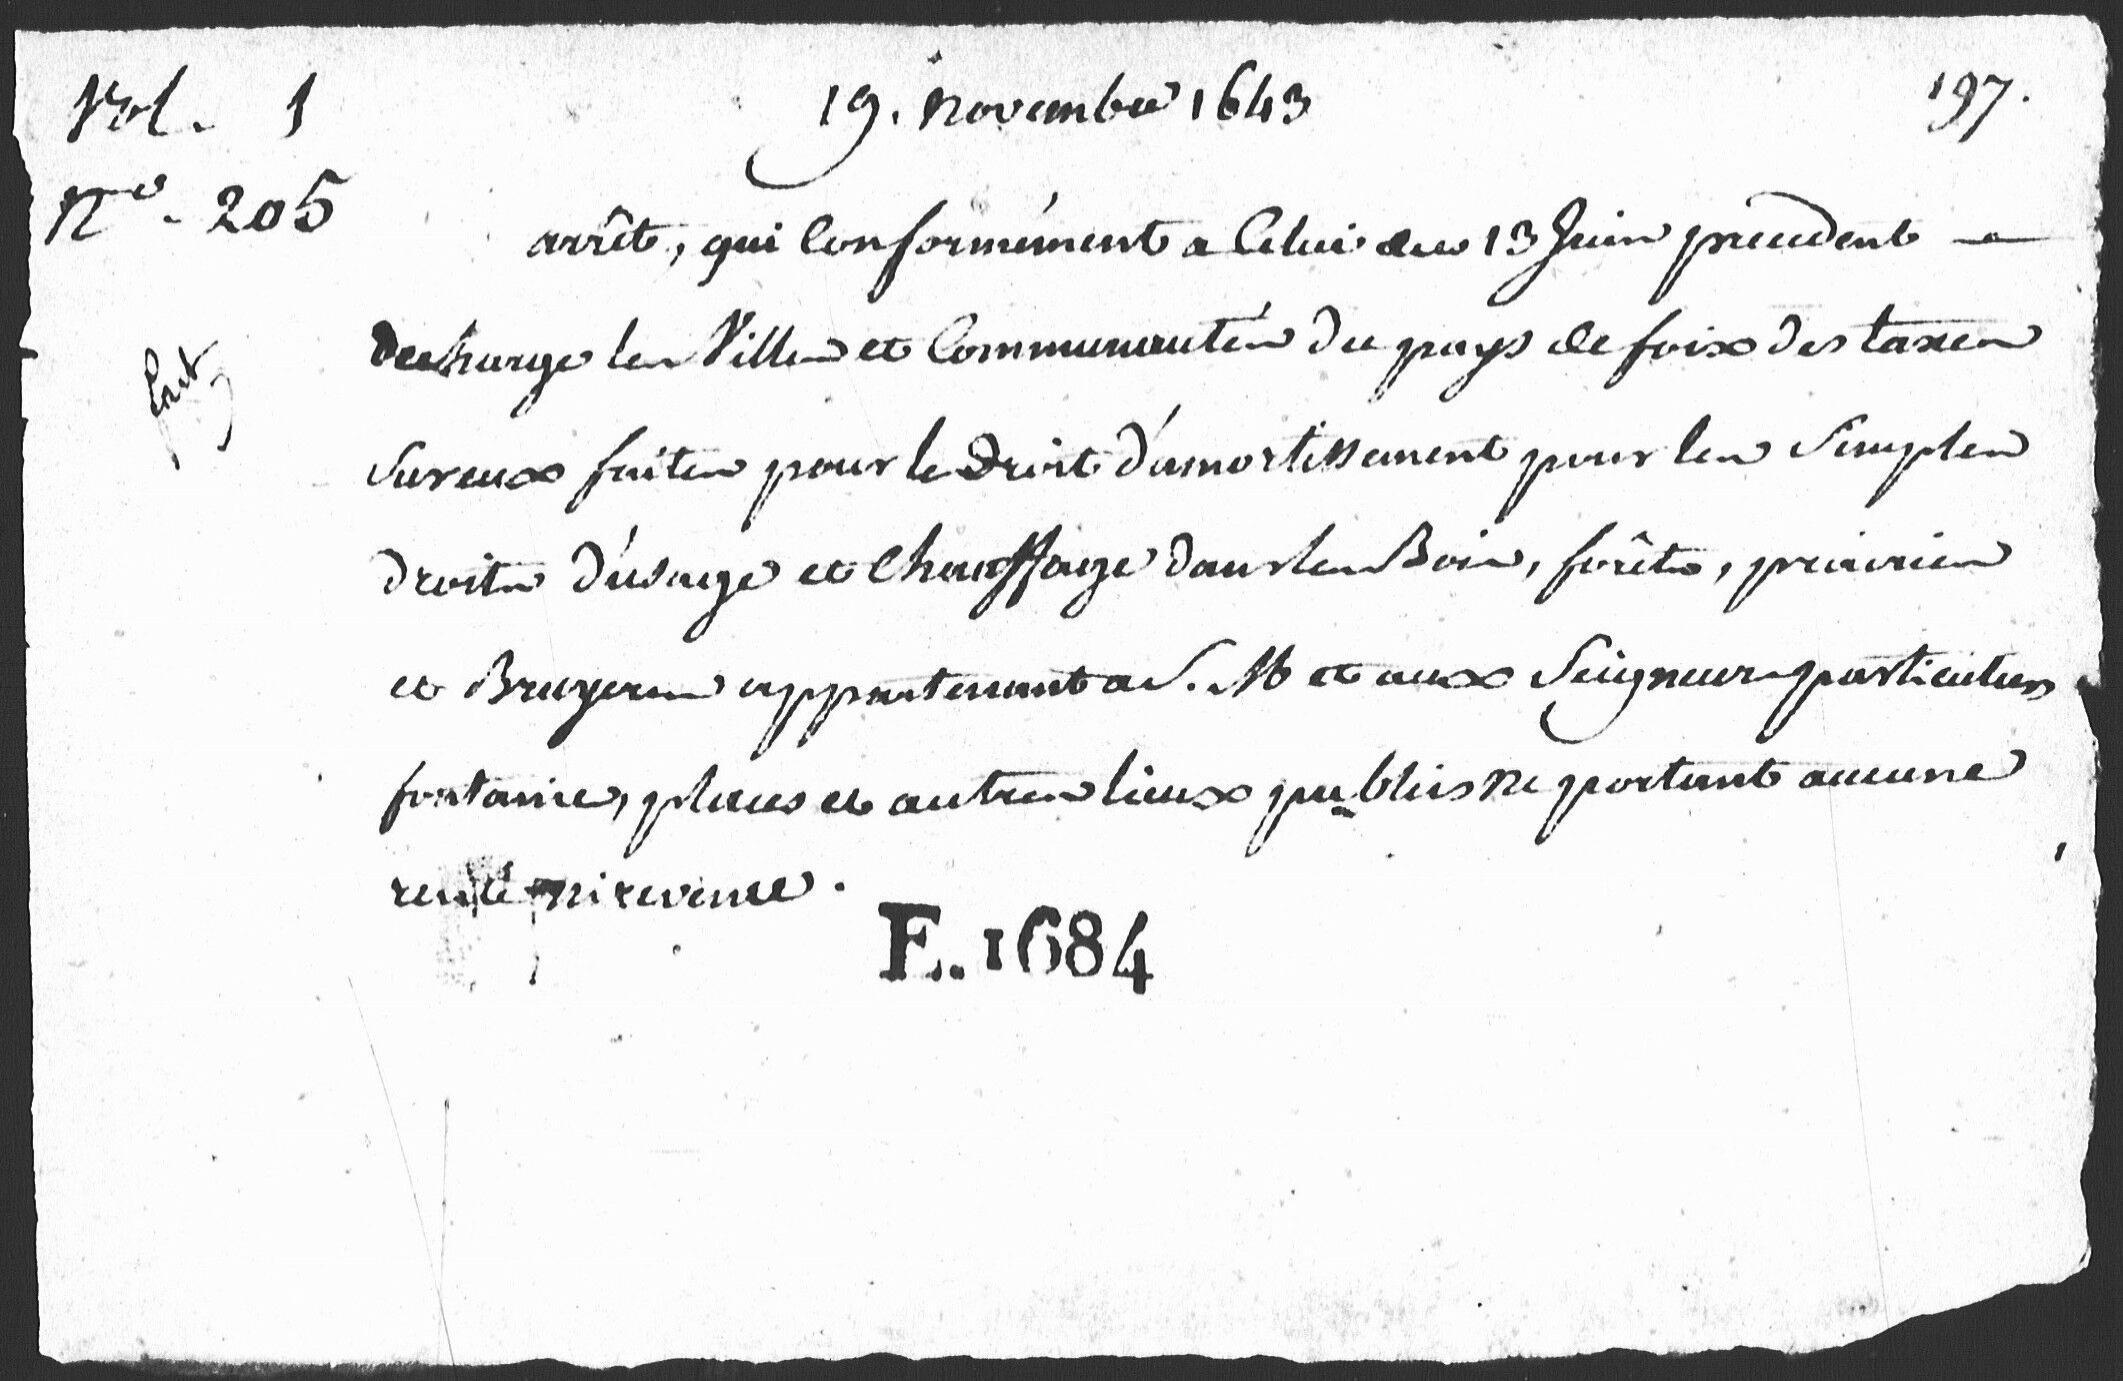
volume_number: n° 205
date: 19 novembre 1643
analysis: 197
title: Arrêt, qui conformément à celui du 13 juin precedent decharge les Villes et Communautés du pays de Foix des taxes sur eux faites pour le droit d'amortissement pour les simples droits d'usage et chauffage dans les bois, forêts, prairies et Bruyeres appartenant a Sa Majesté et aux seigneurs particuliers fontaines, places et autres lieux publics ne portant aucune rente ni revenu.
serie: E
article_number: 1684
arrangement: Volume 1
